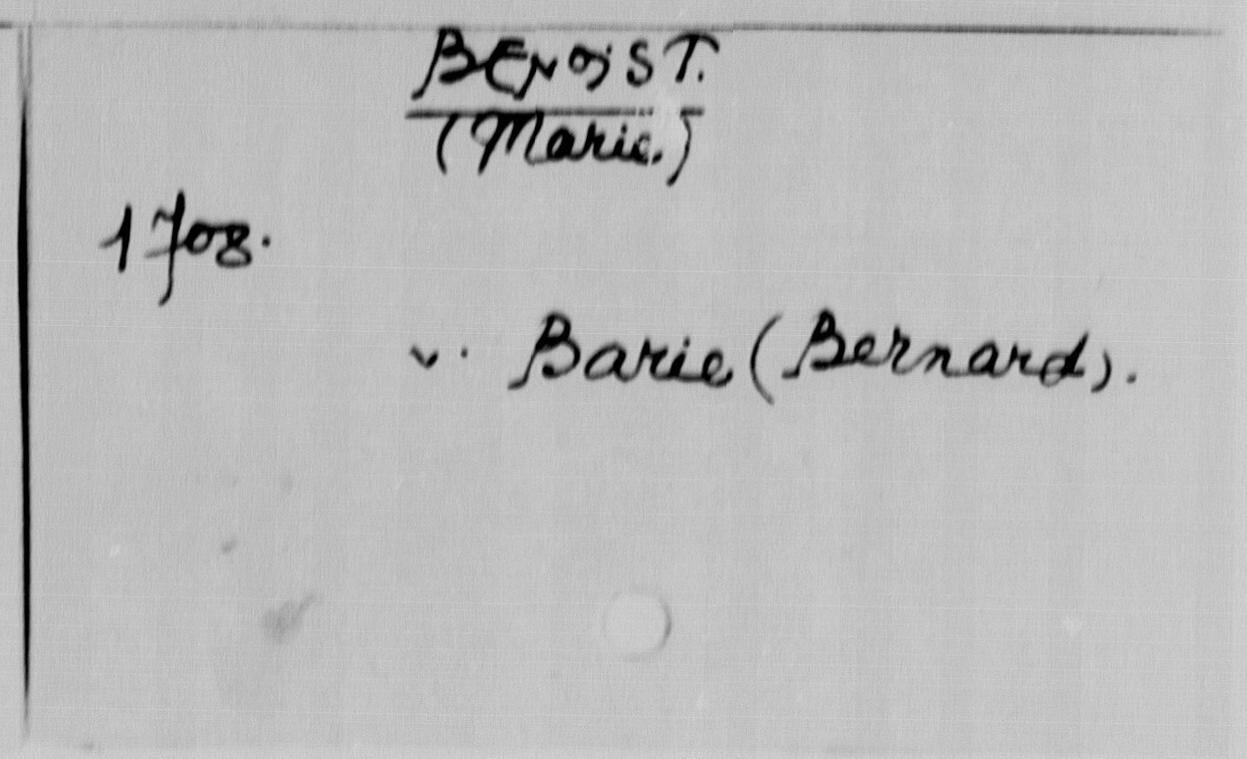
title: BENOIST (Marie)
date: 1708
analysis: Voir : BARIE (Bernard)
